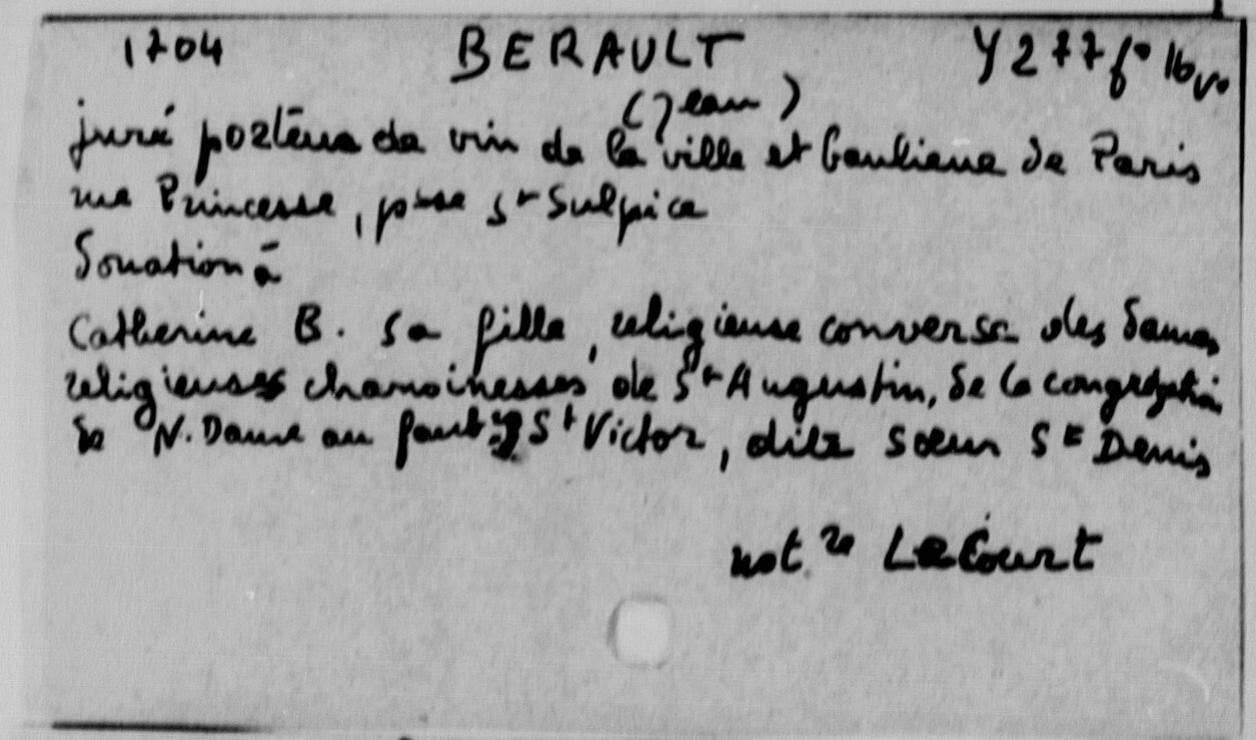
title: BERAULT (Jean)
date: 1704
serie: Y
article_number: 277
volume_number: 16v
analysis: Juré porteur de vin de la ville et banlieue de Paris, rue Princesse, paroisse Saint-Sulpice. Donation à Catherine Bérault sa fille, religieuse converse des dames religieuses chanoinesses de Saint-Augustin, de la congrégation de Notre-Dame au faubourg Saint-Victor, dite sœur Saint-Denis. Notaire Lecourt
